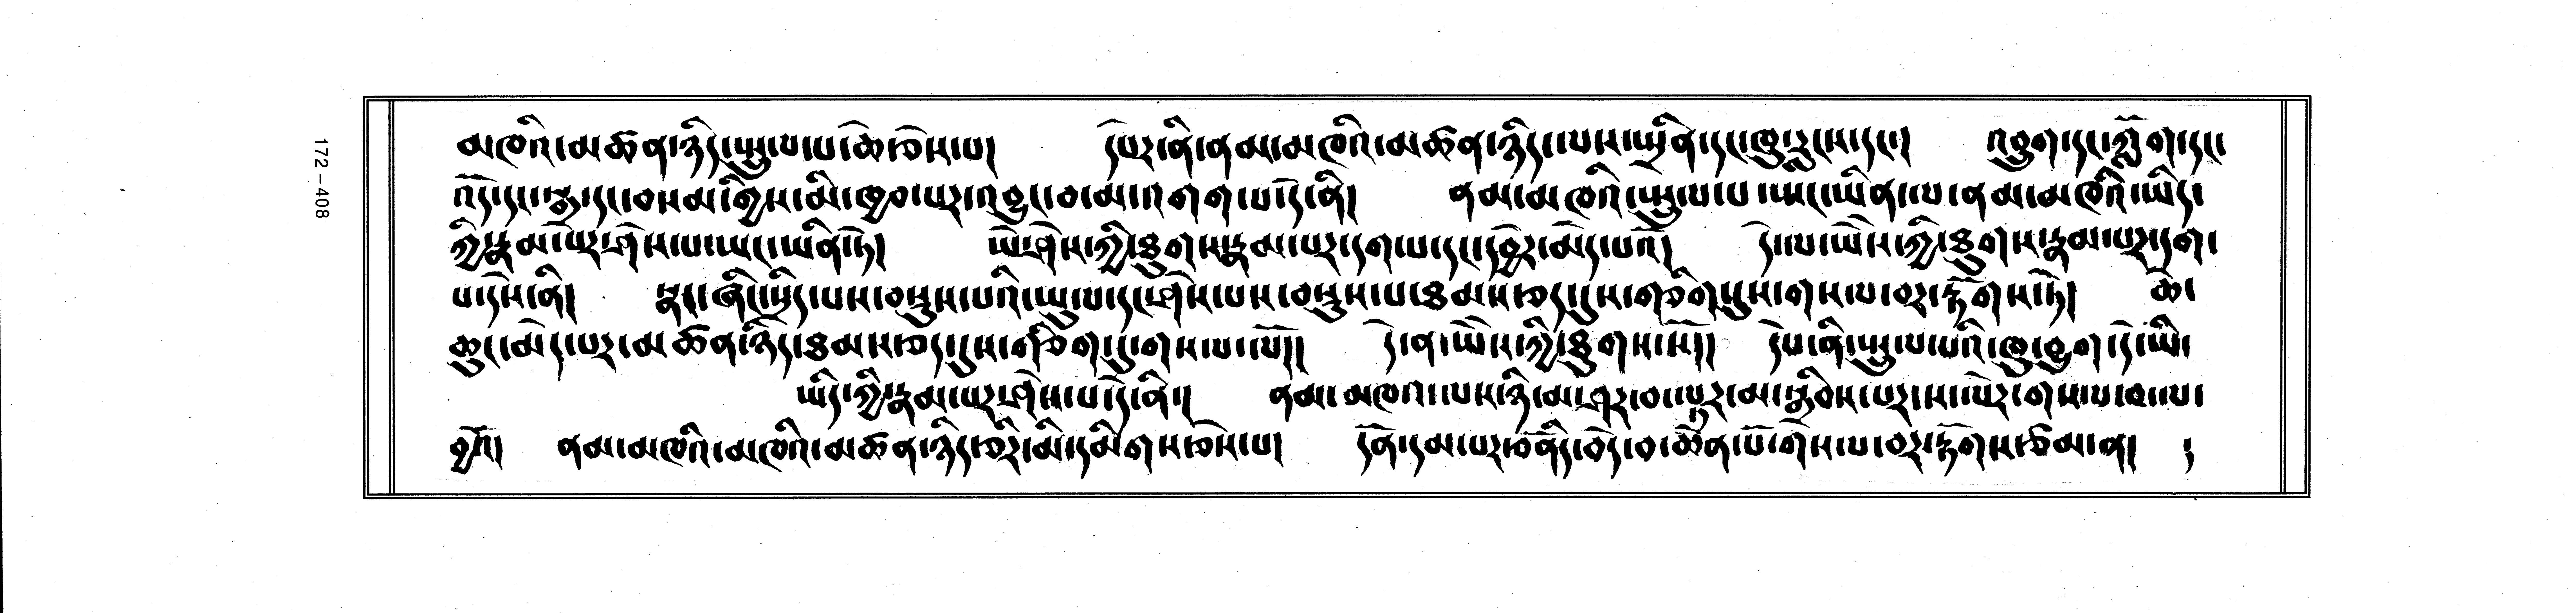མཁའི་མཚན་ཉིད་ལས་སྤྲིན་དང་ཁུ་རླངས་དང་། འབྲུག་དང་གློག་དང་
འོད་དང་སྒྲ་དང་བསམ་གྱིས་མི་ཁྱབ་པར་འབྱུང་བ་མ་འགག་པ་དེ་ནི། ནམ་མཁའི་སྤྲུལ་པ་ཡང་ཡིན་ལ་ནམ་མཁའི་ཡིད་
ཀྱི་རྣམ་པར་ཤེས་པ་ཡང་ཡིན་ཏེ། ཡེ་ཤེས་ཀྱི་ཐུགས་རྣམ་པར་དག་པ་དང་དབྱེར་མེད་པའོ། དེ་ལ་ཡེ་ཤེས་ཀྱི་ཐུགས་རྣམ་པར་དག་
པ་དེས་ནི། སྣང་ཞིང་སྲིད་པས་བསྡུས་པའི་ཡུལ་དང་ཤེས་པས་བསྡུས་པ་ཐམས་ཅད་དུས་གཅིག་དུས་གསལ་བར་རྟོགས་ཏེ། ཆེ་
ཆུང་མེད་པར་མཚན་ཉིད་ཐམས་ཅད་དུས་གཅིག་དུ་གསལ་ལོ། དེ་ན་ཡེ་ཤེས་ཀྱི་ཐུགས་སོ། དཔེ་ནི་སྤྲུལ་པའི་ཁུ་བྱུག་དེ་ཡི་
ཡིད་ཀྱི་རྣམ་པར་ཤེས་པ་དེ་ནི། ནམ་མཁའ་ལས་ཉི་མ་ཤར་བ་ལྟར་མ་སྒྲིབས་པར་ས་ལེར་གསལ་བ་ལ་
བྱའོ། ནམ་མཁའི་མཚན་ཉིད་ཅིར་མི་དམིགས་ཅེས་པ། དོན་དམ་པར་བོན་ཉིད་བདེ་བ་ཆེན་པོ་གསལ་བར་རྟོགས་ཙམ་ན།